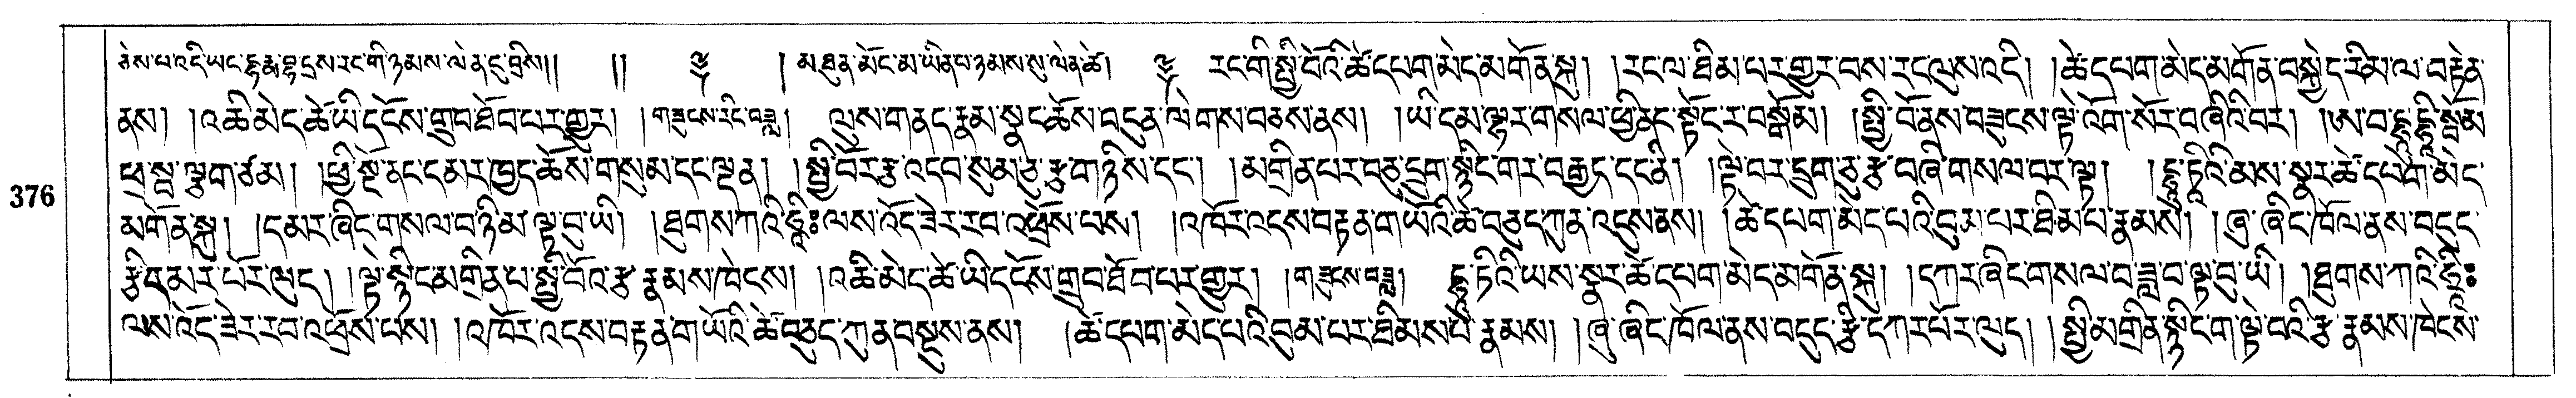ཅེས་པ་འདི་ཡང་དྷརྨ་བྷ་དྲས་རང་གི་ཉམས་ལེན་དུ་བྲིས།། །། ༈ །མཐུན་མོང་མ་ཡིན་པ་ཉམས་སུ་ལེན་ཚེ།  ༈ རང་གི་སྤྱི་བོའི་ཚེ་དཔག་མེད་མགོན་སྐུ། །རང་ལ་ཐིམ་པར་གྱུར་བས་རང་ལུས་འདི། །ཚེ་དཔག་མེད་མགོན་བསྐྱེད་རིམ་ལ་བརྟེན་
ནས། །འཆི་མེད་ཚེ་ཡི་དངོས་གྲུབ་ཐོབ་པར་གྱུར། །གཟུངས་རིང་བཟླ།  ལུས་གནད་རྣམ་སྣང་ཆོས་བདུན་ལེགས་བཅས་ནས། །ཡི་དམ་ལྷར་གསལ་ཕྱི་ནང་སྟོང་ར་བསྒོམ། །སྤྱི་བོ་ནས་བཟུངས་ལྟེ་འོག་སོར་བཞིའི་བར། །ཨ་བ་དྷཱུ་དྷཱི་སྦོམ་
ཕྲ་སྦ་ལྕག་ཙམ། །ཕྱི་སྔོ་ནང་དམར་ཁྱད་ཆོས་གསུམ་དང་ལྡན། །སྤྱི་བོར་རྩ་འདབ་སུམ་ཅུ་རྩ་གཉིས་དང་། །མགྲིན་པར་བཅུ་དྲུག་སྙིང་གར་བརྒྱད་དང་ནི། །ལྟེ་བར་དྲུག་ཅུ་རྩ་བཞི་གསལ་བར་ལྟ། །དྷཱུ་ཏཱིའི་མས་སྣར་ཚེ་དཔག་མེད་
མགོན་སྐུ། །དམར་ཞིང་གསལ་བ་ཉི་མ་ལྟ་བུ་ཡི། །ཐུགས་ཀའི་ཧྲཱིཿ ལས་འོད་ཟེར་རབ་འཕྲོས་པས། །འཁོར་འདས་བརྟན་གཡོའི་ཚེ་བཅུད་ཀུན་འདུས་ནས། །ཚེ་དཔག་མེད་པའི་བུམ་པར་ཐིམ་པ་རྣམས། །ཞུ་ཞིང་ཁོལ་ནས་བདུད་
རྩི་དམར་པོར་ལུང་། །ལྟེ་སྙིང་མགྲིན་པ་སྤྱི་བོའི་རྩ་རྣམས་ཁེངས། །འཆི་མེད་ཚེ་ཡི་དངོས་གྲུབ་ཐོབ་པར་གྱུར། །གཟུངས་བཟླ།  དྷཱུ་ཏིའི་ཡས་སྣར་ཚེ་དཔག་མེད་མགོན་སྐུ། །དཀར་ཞིང་གསལ་བ་ཟླ་བ་ལྟ་བུ་ཡི། །ཐུགས་ཀའི་ཧྲཱིཿ
ལས་འོད་ཟེར་རབ་འཕྲོས་པས། །འཁོར་འདས་བརྟན་གཡོའི་ཚེ་བཅུད་ཀུན་བསྡུས་ནས། །ཚེ་དཔག་མེད་པའི་བུམ་པར་ཐིམས་པ་རྣམས། །ཞུ་ཞིང་ཁོལ་ནས་བདུད་རྩི་དཀར་པོར་ལུད། །སྤྱི་མགྲིན་སྙིང་ག་ལྟེ་བའི་རྩ་རྣམས་ཁེངས་